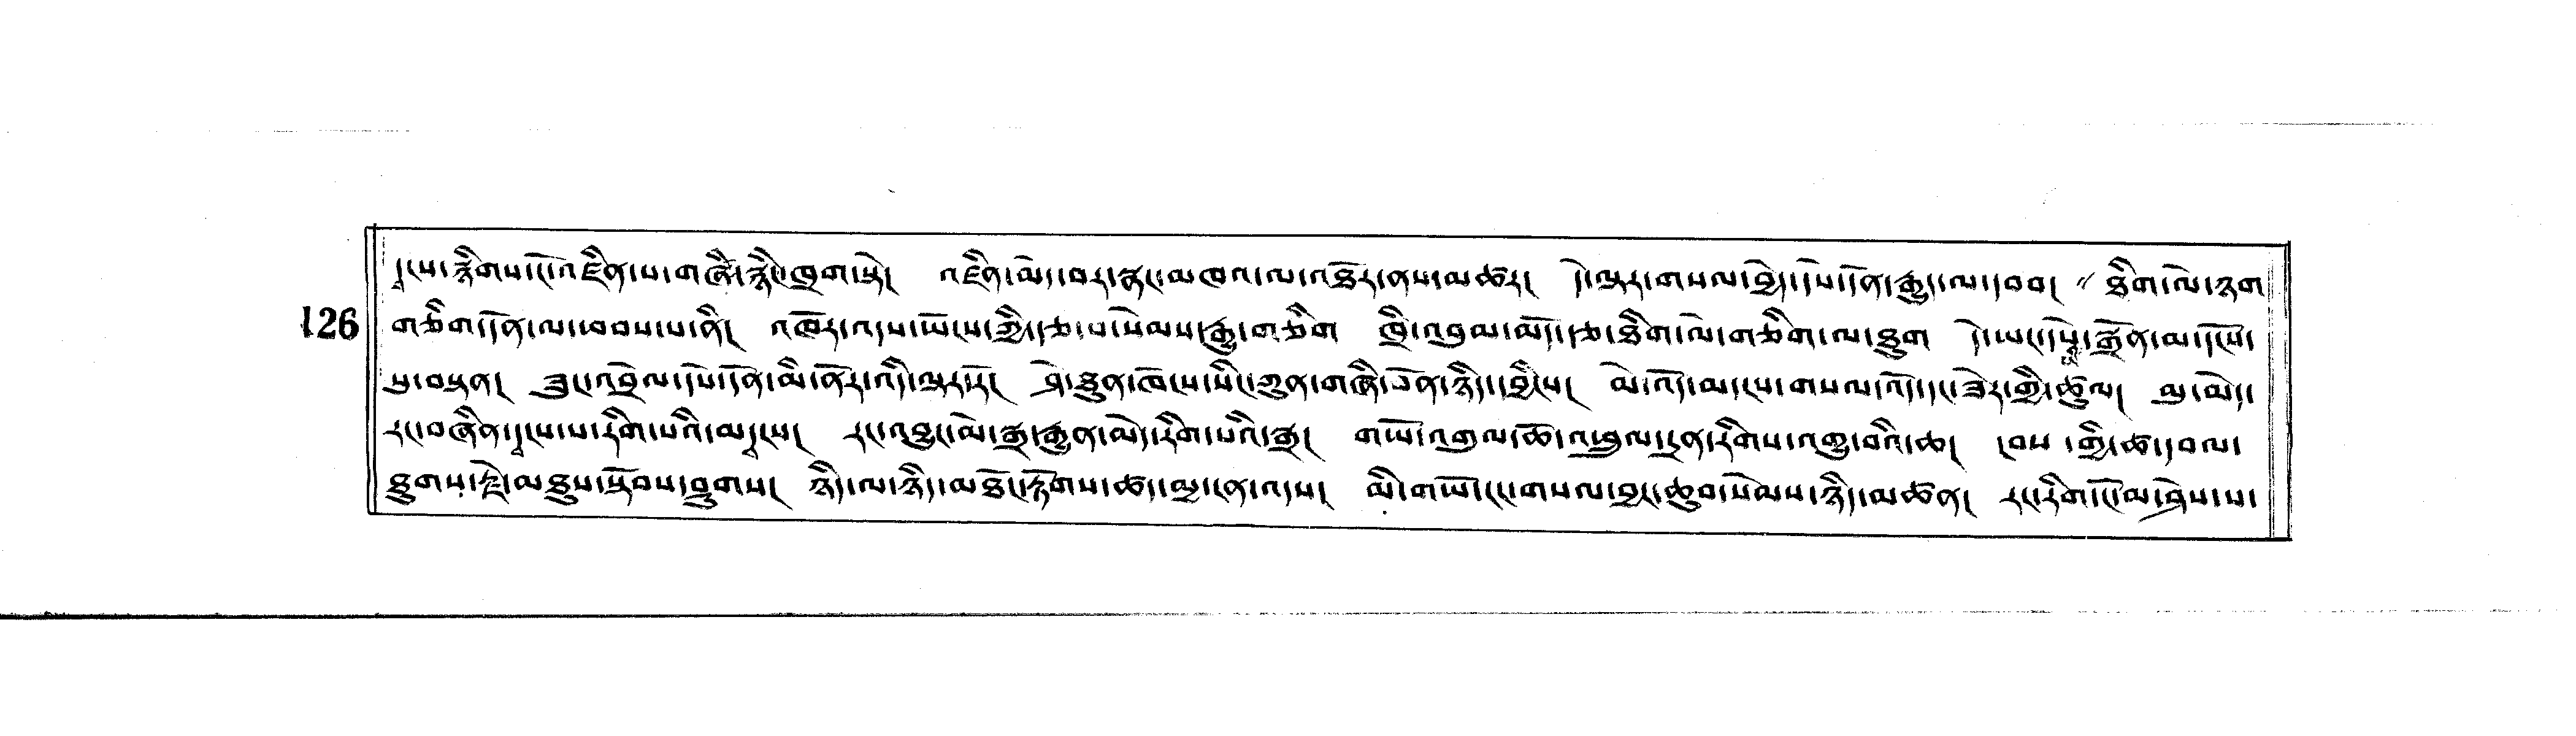དྭངས་སྙིགས་ངོ་འཛིན་ས་གཞི་སྙིང་ཁྲག་སྟེ། འཛིན་མེད་བར་སྣང་མཁའ་ལ་འཐོར་ནས་མཚར། དེ་ལྟར་གསལ་བྱེད་དཔེ་དོན་རྒྱུད་ལ་དབབ། ༧ ཐིག་ལེ་ཉག་
ཅིག་དོན་ལ་ཕབ་པ་ནི། འཁོར་འདས་ཡོངས་ཀྱི་རྩ་བ་སེམས་རྒྱུ་གཅིག ཁྲི་འབུམ་མདོ་རྩ་ཐིག་ལེ་གཅིག་ལ་ཐུག དེ་ཡང་དཔེ་ཡི་སྒྲོན་མ་དངོས་
སུ་བསྟན། ཟུང་འབྲེལ་དཔེ་དོན་མི་ནོར་འདི་ལྟར་རོ། ཤེ་ཐུན་ཁོང་སེང་ཀུན་གཞི་བོན་ཉིད་དབྱིངས། མེ་འོད་མདངས་གསལ་འོད་དང་ཟེར་གྱི་ཚུལ། མུ་མེད་
རང་བཞིན་དངས་པ་རིག་པའི་མདངས། རང་འབྱུང་མེ་སྒྲ་རྒྱུན་མེད་རིག་པའི་སྒྲ། གཡོ་འགུལ་ཆོ་འཕྲུལ་དྲན་རིག་འགྱུ་བའི་ཆ། ངབས་ཀྱི་ཚ་དབལ་
ཐུགས་རྗེ་མཐུ་སྟོབས་ཤུགས། ཉིད་ལ་ཉིད་མཐོང་རྟོགས་ཚད་མྱ་ངན་འདས། མི་གཡོ་ངང་གསལ་བྱང་ཆུབ་སེམས་ཉིད་མཚན། རང་རིག་ངོ་མ་ཤེས་པ་